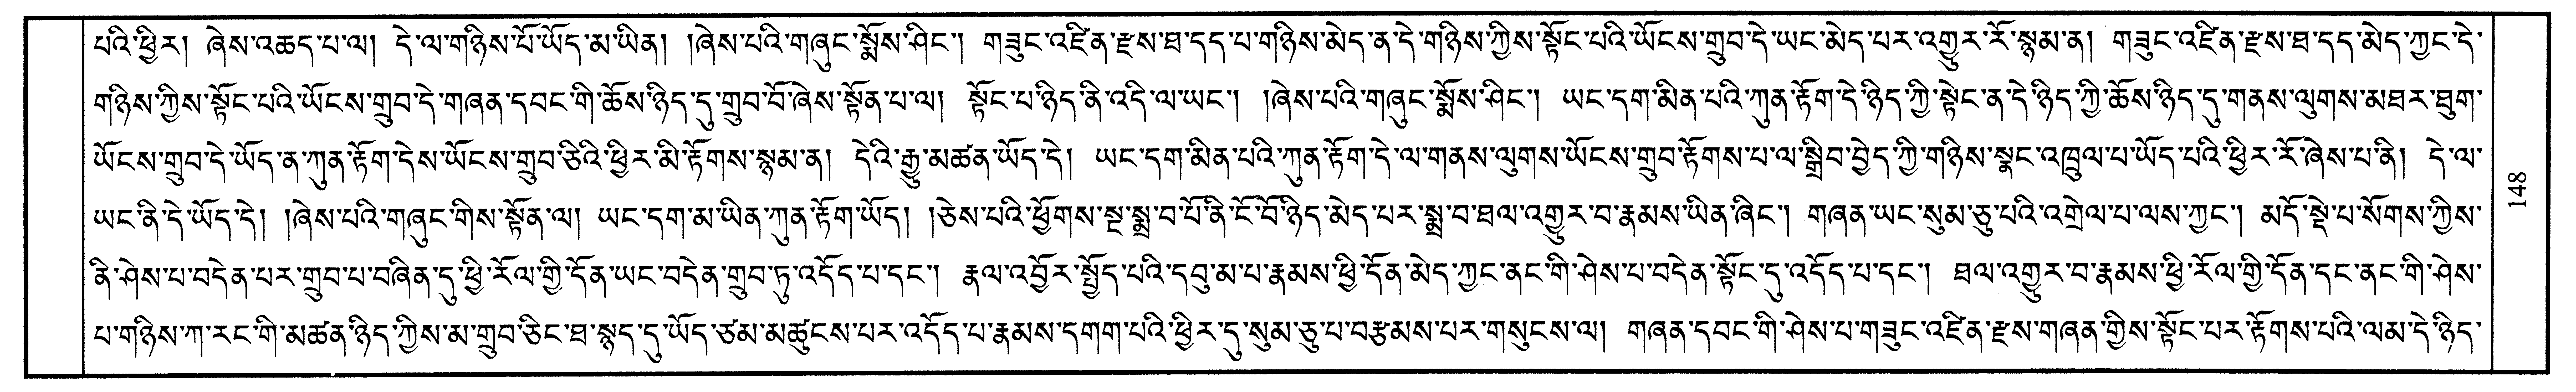པའི་ཕྱིར། ཞེས་འཆད་པ་ལ། དེ་ལ་གཉིས་པོ་ཡོད་མ་ཡིན། །ཞེས་པའི་གཞུང་སྨོས་ཤིང་། གཟུང་འཛིན་རྫས་ཐ་དད་པ་གཉིས་མེད་ན་དེ་གཉིས་ཀྱིས་སྟོང་པའི་ཡོངས་གྲུབ་དེ་ཡང་མེད་པར་འགྱུར་རོ་སྙམ་ན། གཟུང་འཛིན་རྫས་ཐ་དད་མེད་ཀྱང་དེ་
གཉིས་ཀྱིས་སྟོང་པའི་ཡོངས་གྲུབ་དེ་གཞན་དབང་གི་ཆོས་ཉིད་དུ་གྲུབ་བོ་ཞེས་སྟོན་པ་ལ། སྟོང་པ་ཉིད་ནི་འདི་ལ་ཡང་། །ཞེས་པའི་གཞུང་སྨོས་ཤིང་། ཡང་དག་མིན་པའི་ཀུན་རྟོག་དེ་ཉིད་ཀྱི་སྟེང་ན་དེ་ཉིད་ཀྱི་ཆོས་ཉིད་དུ་གནས་ལུགས་མཐར་ཐུག་
ཡོངས་གྲུབ་དེ་ཡོད་ན་ཀུན་རྟོག་དེས་ཡོངས་གྲུབ་ཅིའི་ཕྱིར་མི་རྟོགས་སྙམ་ན། དེའི་རྒྱུ་མཚན་ཡོད་དེ། ཡང་དག་མིན་པའི་ཀུན་རྟོག་དེ་ལ་གནས་ལུགས་ཡོངས་གྲུབ་རྟོགས་པ་སླ་སྒྲིབ་བྱེད་ཀྱི་གཉིས་སྣང་འཁྲུལ་པ་ཡོད་པའི་ཕྱིར་རོ་ཞེས་པ་ནི། དེ་ལ་
ཡང་ནི་དེ་ཡོད་དེ། །ཞེས་པའི་གཞུང་གིས་སྟོན་ལ། ཡང་དག་མ་ཡིན་ཀུན་རྟོག་ཡོད། །ཅེས་པའི་ཕྱོགས་སྔ་སྨྲ་བ་པོ་ནི་ངོ་བོ་ཉིད་མེད་པར་སྨྲ་བ་ཐལ་འགྱུར་བ་རྣམས་ཡིན་ཞིང་། གཞན་ཡང་སུམ་ཅུ་པའི་འགྲེལ་པ་ལས་ཀྱང་། མདོ་སྡེ་པ་སོགས་ཀྱིས་
ནི་ཤེས་པ་བདེན་པར་གྲུབ་པ་བཞིན་དུ་ཕྱི་རོལ་གྱི་དོན་ཡང་བདེན་གྲུབ་ཏུ་འདོད་པ་དང་། རྣལ་འབྱོར་སྤྱོད་པའི་དབུ་མ་པ་རྣམས་ཕྱི་དོན་མེད་ཀྱང་ནང་གི་ཤེས་པ་བདེན་སྟོང་དུ་འདོད་པ་དང་། ཐལ་འགྱུར་བ་རྣམས་ཕྱི་རོལ་གྱི་དོན་དང་ནང་གི་ཤེས་
པ་གཉིས་ཀ་རང་གི་མཚན་ཉིད་ཀྱིས་མ་གྲུབ་ཅིང་ཐ་སྙད་དུ་ཡོད་ཙམ་མཚུངས་པར་འདོད་པ་རྣམས་དགག་པའི་ཕྱིར་དུ་སུམ་ཅུ་པ་བརྩམས་པར་གསུངས་ལ། གཞན་དབང་གི་ཤེས་པ་གཟུང་འཛིན་རྫས་གཞན་གྱིས་སྟོང་པར་རྟོགས་པའི་ལམ་དེ་ཉིད་